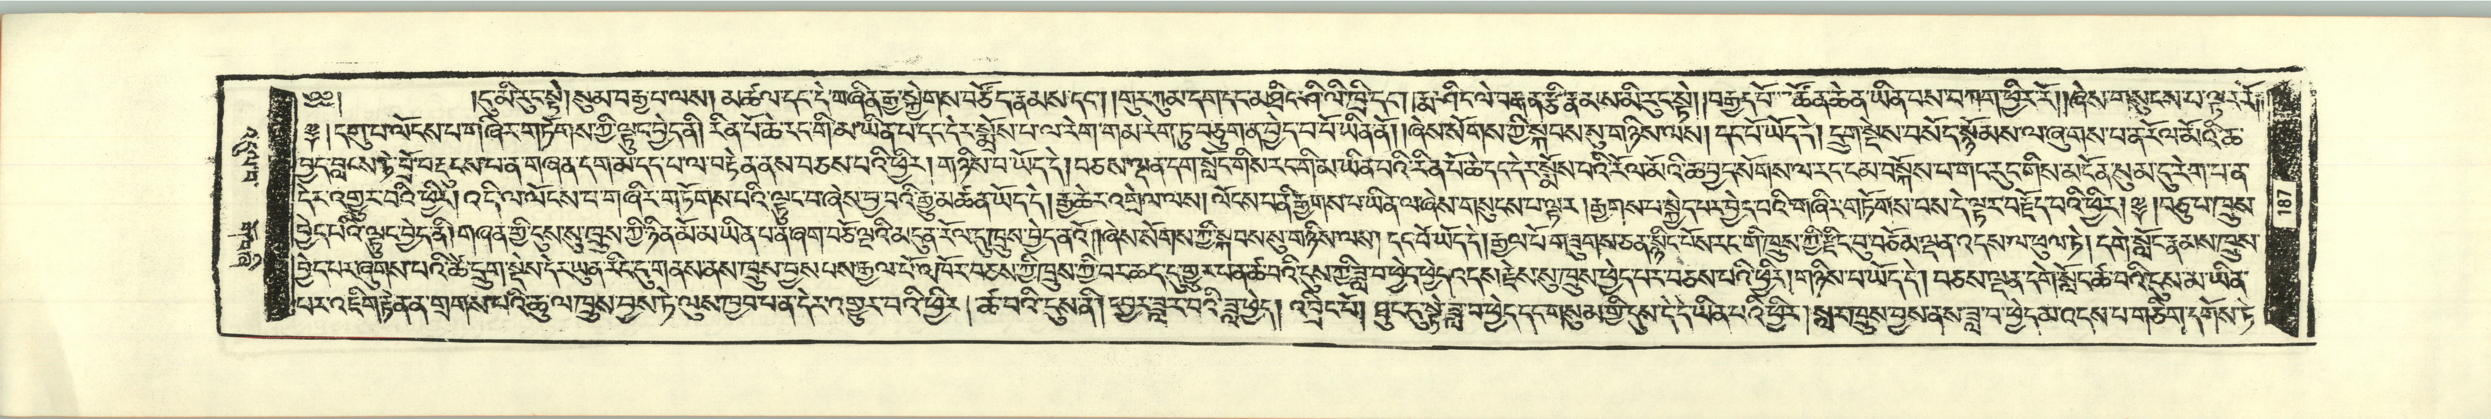༄༅། །དུ་མི་རུང་སྟེ། སུམ་བརྒྱ་པ་ལས། མཚལ་དང་དེ་བཞིན་རྒྱ་སྐྱེགས་བརྩོད་རྣམས་དང་། །གུར་ཀུམ་དག་དང་མཐིང་ཤི་ལི་ཁྲི་དང་། །རྨ་ཤིང་ལེ་བརྒན་རྩི་རྣམས་མི་རུང་སྟེ། །བརྒྱད་པོ་ཚོན་ཆེན་ཡིན་པས་བཀག་ཕྱིར་རོ། །ཞེས་གསུངས་པ་ལྟར་རོ། །
༈ །དགུ་པ་ལོངས་པ་གཞིར་གཏོགས་ཀྱི་ལྟུང་བྱེད་ནི། རིན་པོ་ཆེ་རང་གི་མ་ཡིན་པ་དང་དེར་སྨྲོས་པ་ལ་རེག་གམ་རེག་ཏུ་བཅུག་ན་བྱེད་པ་པོ་ཡིན་ནོ། །ཞེས་སོགས་ཀྱི་སྐབས་སུ་གཉིས་ལས། དང་པོ་ཡོད་དེ། དྲུག་སྡེས་བསོད་སྙོམས་ལ་ཞུགས་པ་ན་རོལ་མོའི་ཆ་
བྱད་བླངས་ཏེ་བྲོ་བརྡུངས་པ་ན་གཞན་དག་མ་དད་པ་ལ་བརྟེན་ནས་བཅས་པའི་ཕྱིར། གཉིས་པ་ཡོད་དེ། བཅས་ལྡན་དགེ་སློང་གིས་རང་གི་མ་ཡིན་པའི་རིན་པོ་ཆེ་དང་དེར་སྨོས་པའི་རོལ་མོའི་ཆ་བྱད་སོགས་ལ་རང་ངམ་བསྐོས་པ་གང་རུང་གིས་མངོན་སུམ་དུ་རེག་པ་ན་
དེར་འགྱུར་བའི་ཕྱིར། འདི་ལ་ལོངས་བ་གཞིར་གཏོགས་པའི་ལྟུང་བ་ཞེས་བྱ་བའི་རྒྱུ་མཚན་ཡོད་དེ། རྒྱ་ཆེར་འགྲེལ་ལས། ལོངས་པ་ནི་རྒྱགས་པ་ཡིན་ལ་ཞེས་གསུངས་པ་ལྟར། རྒྱགས་པ་སྐྱེད་པར་བྱེད་པའི་གཞིར་གཏོགས་པས་དེ་ལྟར་བརྗོད་པའི་ཕྱིར། ༈ །བཅུ་པ་ཁྲུས་
བྱེད་པའི་ལྟུང་བྱེད་ནི། གཞན་གྱི་དུས་སུ་ཁྲུས་ཀྱི་ཉིན་མོ་མ་ཡིན་པ་ན་ཞག་བཅོ་ལྔའི་མདུན་རོལ་དུ་ཁྲུས་བྱེད་ནའོ། །ཞེས་སོགས་ཀྱི་སྐབས་སུ་གཉིས་ལས། དང་པོ་ཡོད་དེ། རྒྱལ་པོ་གཟུགས་ཅན་སྙིང་པོས་རང་གི་ཁྲུས་ཀྱི་རྫིང་བུ་བཅོམ་ལྡན་འདས་ལ་ཕུལ་ཏེ། དགེ་སློང་རྣམས་ཁྲུས་
བྱེད་པར་ཞུགས་པའི་ཚེ་དྲུག་སྡེས་དེར་ཡུན་རིང་དུ་གནས་ནས་ཁྲུས་བྱས་པས་རྒྱལ་པོ་འཁོར་བཅས་ཀྱི་ཁྲུས་ཀྱི་བར་ཆད་དུ་གྱུར་པ་ན་ཚ་བའི་དུས་ཀྱི་ཟླ་བ་ཕྱེད་ཕྱེད་འདས་རྗེས་སུ་ཁྲུས་ཕྱེད་པར་བཅས་པའི་ཕྱིར། གཉིས་པ་ཡོད་དེ། བཅས་ལྡན་དགེ་སློང་ཚ་བའི་དུས་མ་ཡིན་
པར་འཇིག་རྟེན་ན་གྲགས་པའི་ཆུ་ལ་ཁྲུས་བྱས་ཏེ་ལུས་ཁྱབ་པ་ན་དེར་འགྱུར་བའི་ཕྱིར། ཚ་བའི་དུས་ནི། དབྱར་ཟླར་བའི་ཟླ་ཕྱེད། འབྲིང་པོ། ཐུང་དུ་སྟེ་ཟླ་བ་ཕྱེད་དང་གསུམ་གྱི་དུས་དེ་དེ་ཡིན་པའི་ཕྱིར། ཟླར་ཁྲུས་བྱས་ནས་ཟླ་བ་ཕྱེད་མ་འདས་པ་གཅིག་དགོས་ཏེ་